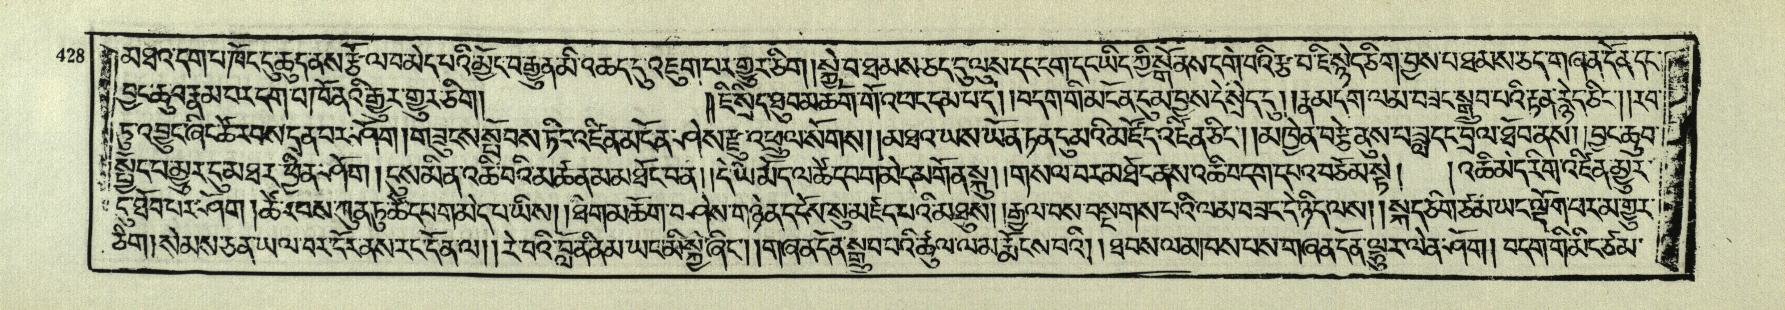མཐའ་དག་པ་ཁོང་དུ་ཆུད་ནས་རྩོ་ལ་བ་མེད་པའི་མྱོང་བ་རྒྱུན་མི་འཆད་དུ་འཇུག་པར་གྱུར་ཅིག །སྐྱེ་བ་ཐམས་ཅད་དུ་ལུས་དང་ངག་དང་ཡིད་ཀྱི་སྒོ་ནས་དགེ་བའི་རྩ་བ་ཇི་སྙེད་ཅིག་བྱས་པ་ཐམས་ཅད་གཞན་དོན་དང་
བྱང་ཆུབ་རྣམ་བར་དག་པ་ཁོ་ནའི་རྒྱུར་གྱུར་ཅིག ། །།ཇི་སྲིད་ཐུབ་མཆོག་གོ་འཕང་དམ་པ་དུ། །བདག་གི་མངོན་དུ་བྱས་དེ་སྲེད་དུ། །རྣམ་དག་ལམ་བཟང་སྒྲུབ་པའི་རྟན་རྙེད་ཅིང་། །རབ་
ཏུ་འབྱུང་ཞིང་ཚེ་རབས་དྲན་པར་ཤོག །གཟུངས་སྤོབས་ཏིང་འཛིན་མངོན་ཤེས་རྫུ་འཕྲུལ་སོགས། །མཐའ་ཡས་ཡོན་ཏན་དུ་མའི་མཛོད་འཛིན་ཅིང་། །མཁྱེན་བརྩེ་ནས་པ་ཟླ་དང་བྲལ་ཐོབ་ནས། །བྱང་ཆུབ་
སྤྱོད་པ་མྱུར་དུ་མཐར་ཕྱིན་ཤོག །དུས་མིན་འཆི་བའི་མཚན་མ་མཐོང་བ་ན། །དེ་ཡི་མོད་ལ་ཚེ་དབག་མེད་མགོན་སྐུ། །གསལ་བར་མཐོང་ནས་འཆི་བདག་དཔའ་བཅོམ་སྟེ། །འཆི་མེད་རིག་འཛིན་མྱུར་
དུ་ཐོབ་པར་ཤོག །ཚེ་རབས་ཀུན་ཏུ་ཚེ་དཔག་མེད་པ་ཡིས། །ཐིག་མཆོག་བཤེས་གཉེན་དངོས་སུ་མཛད་པའི་མཐུས། །རྒྱལ་བས་བསྔགས་པའི་ལམ་བཟང་དེ་ཉིད་ལས། །སྐད་ཅིག་ཙམ་ཡང་ལྡོག་ཕར་མ་གྱུར་
ཅིག །སེམས་ཅན་ཡལ་བར་དོར་ནས་རང་དོན་ལ། །རེ་བའི་བློ་ནི་ནམ་ཡང་མི་སྐྱེ་ཞིང་། །གཞན་དོན་སྒྲུབ་པའི་ཚུལ་ལ་མ་རྨོངས་བའི། །ཐབས་ལ་མཁས་པས་གཞན་དོན་ལྷུར་ལེན་ཤོག །བདག་གི་མིང་ཙམ་